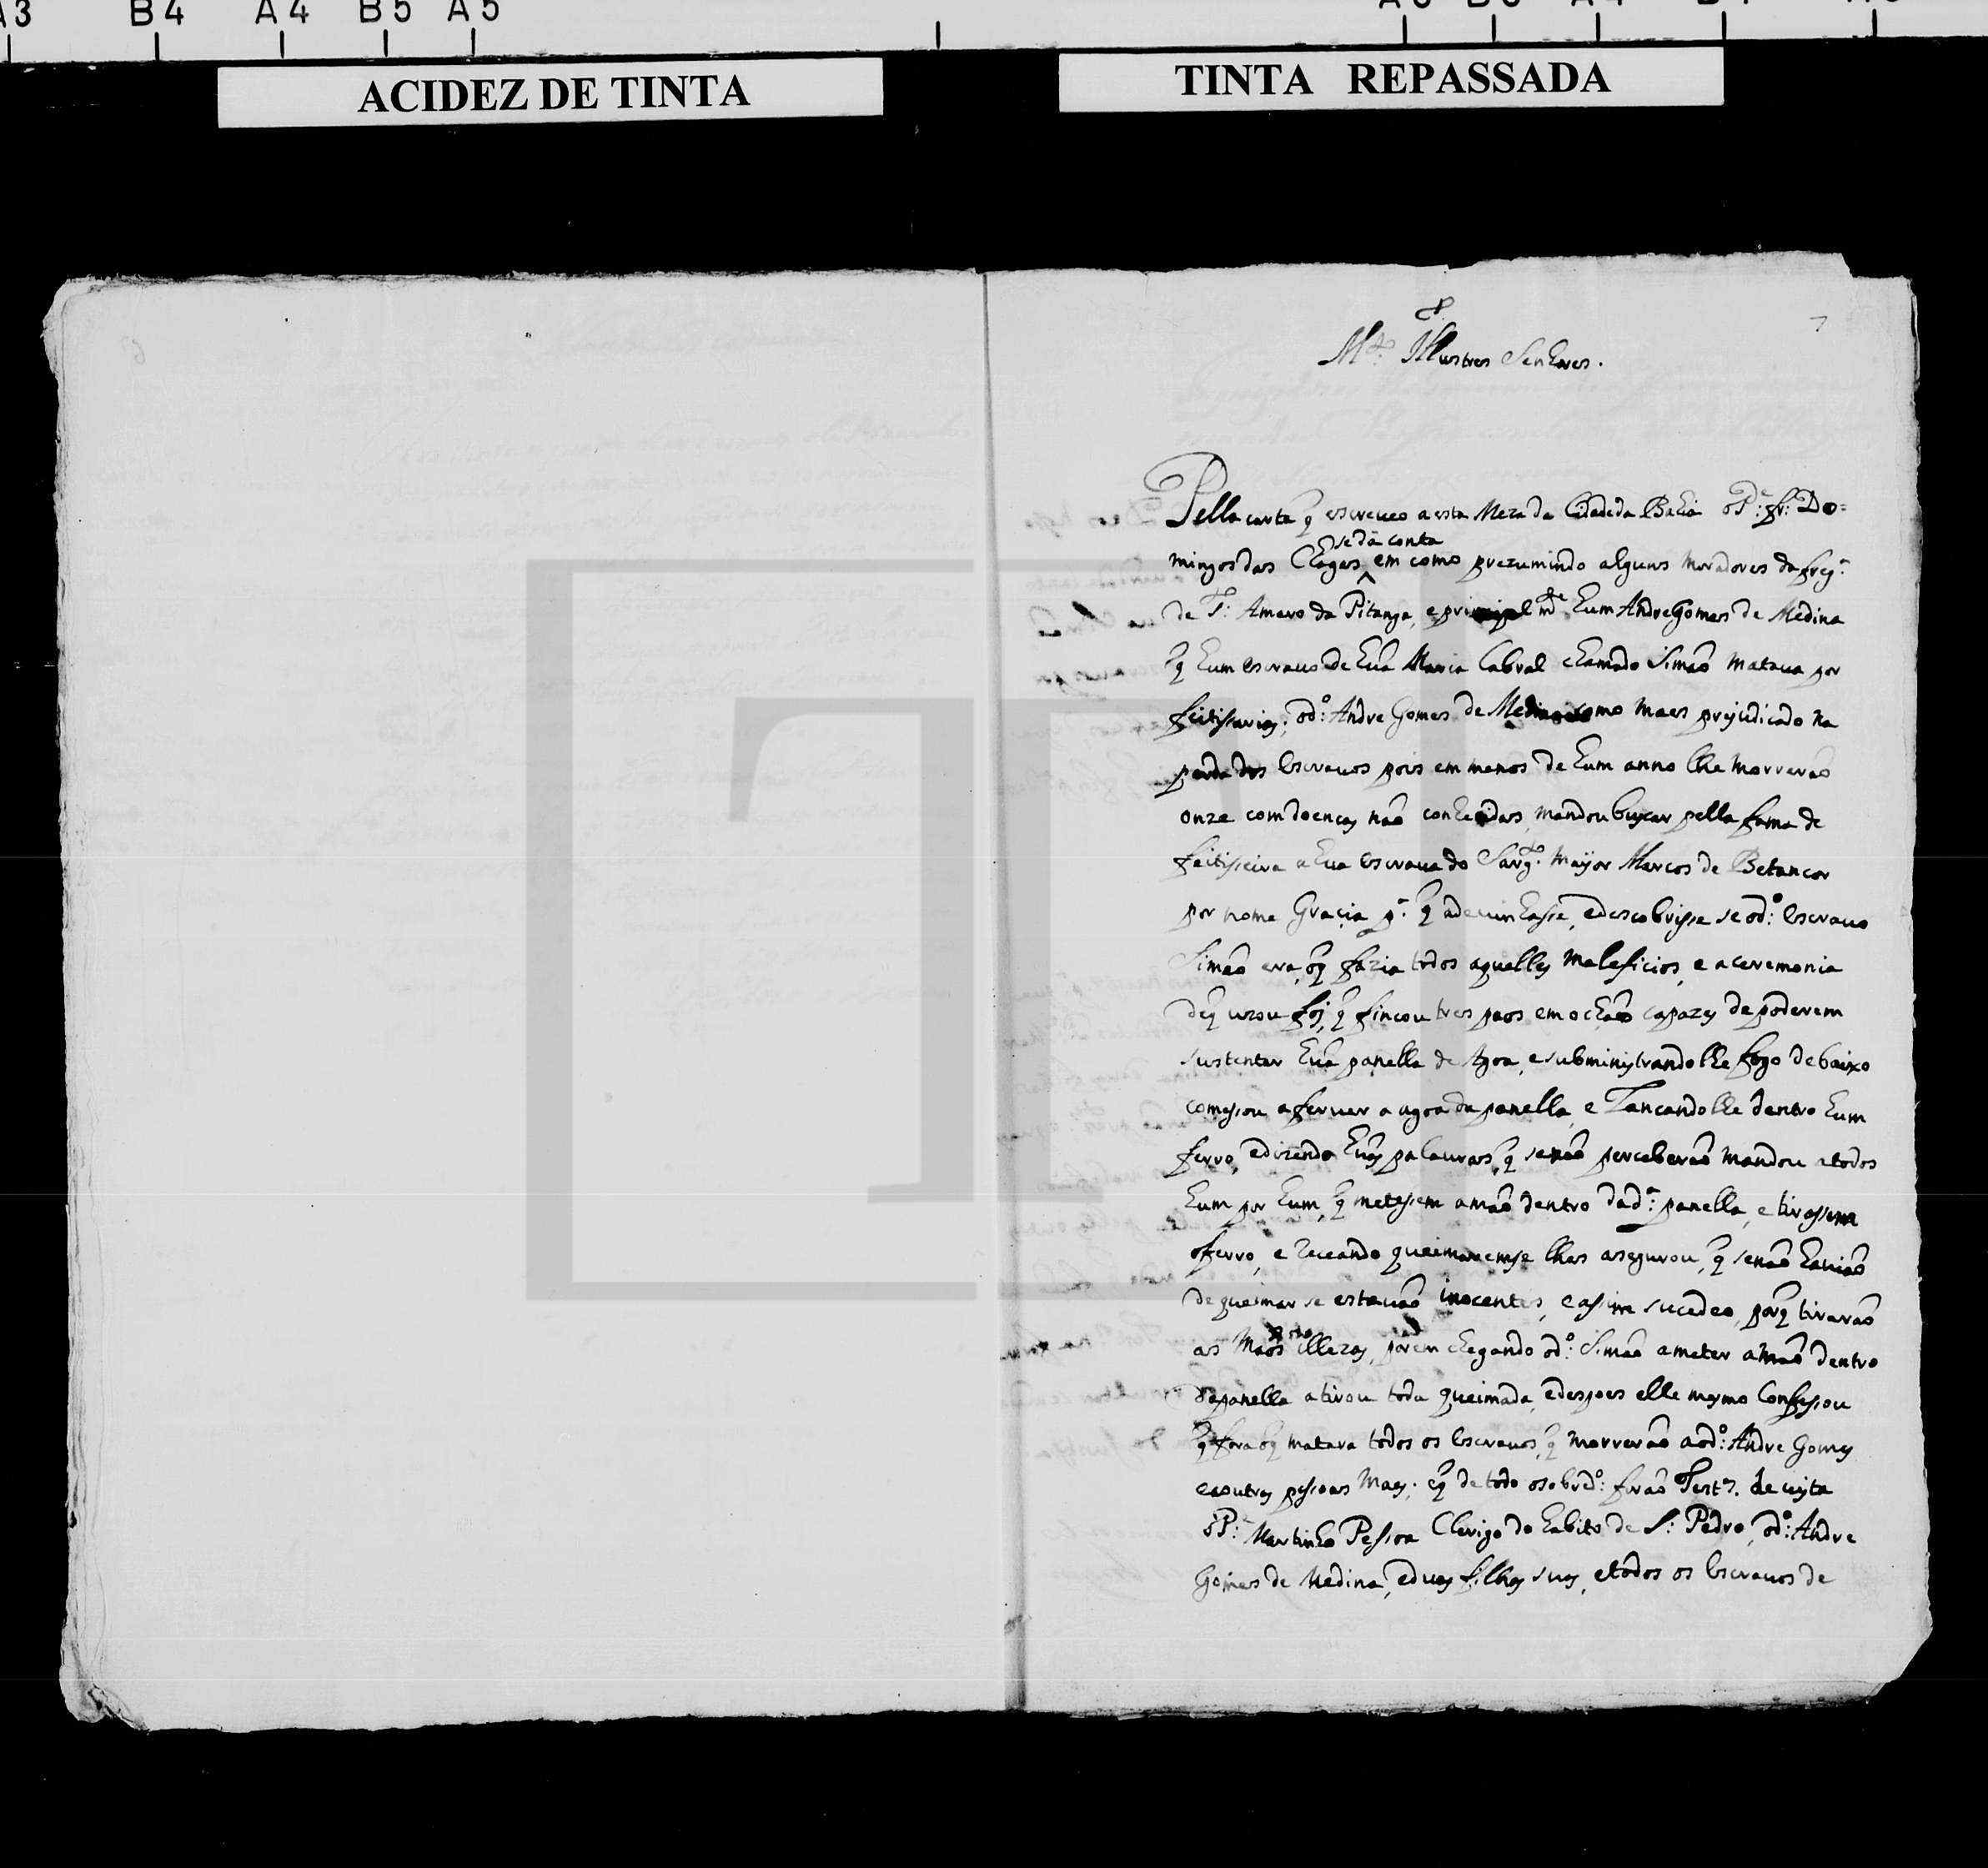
Mt.o Illustres Senhores.
Pella carta q̄ escreueo a esta Meza da Cidade da Bahia o P:e fr: Do
mingos das Chagas
se dá conta
em como prezumindo alguns moradores da freg.a
de s.to Amaro da Pitanga, e principalmte. hum Andre Gomes de Medina
q̄ hum escrauo de hūa Maria Cabral chamado Simaõ mataua por
feitissarias; o d:o Andre Gomes de Medina como maes prejudicado na
perda dos escrauos pois em menos de hum anno lhe morreraõ
onze com doenças naõ conhecidas, mandou buscar pella fama de
feitisseira a hua escraua do Sarg.to mayor Marcos de Betancor
por nome Gracia p.a q̄ adeuinhasse, e descobrisse se o d:o escrauo
Simão era, o q̄ fazia todos aquelles maleficios, e a ceremonia
de q̄ uzou foj, q̄ fincou tres paos em o chaõ capazes de poderem
sustentar huā panella de Agoa, e subministrandolhe fogo debaixo
comessou a feruer a agoa da panella, e Lançandolhe dentro hum
ferro, e dizendo huās palauras q̄ se naõ perceberaõ mandou a todos
hum por hum, q̄ metessem a maõ dentro da da: panella, e tirassem
o ferro, e Receando queimaremse lhes asegurou, q̄ se não hauiaõ
de queimar se estauaõ inocentes, e asim sucedeo porq̄ tiraraõ
as maõs illezas, porem chegando o do: Simaõ a meter a maõ dentro
da panella a tirou toda queimada, e despoes elle mesmo Confessou
q̄ fora o q̄ matara todos os escrauos, q̄ morreraõ ao do: Andre Gomes
e a outras pessoas maes; e q̄ de todo o sobredo: foraõ Testas. de uista
o P:e Martinho Pessoa Clerigo do habito de S: Pedro, o do: Andre
Gomes de Medina, e duas filhas suas, e todos os Escrauos de
